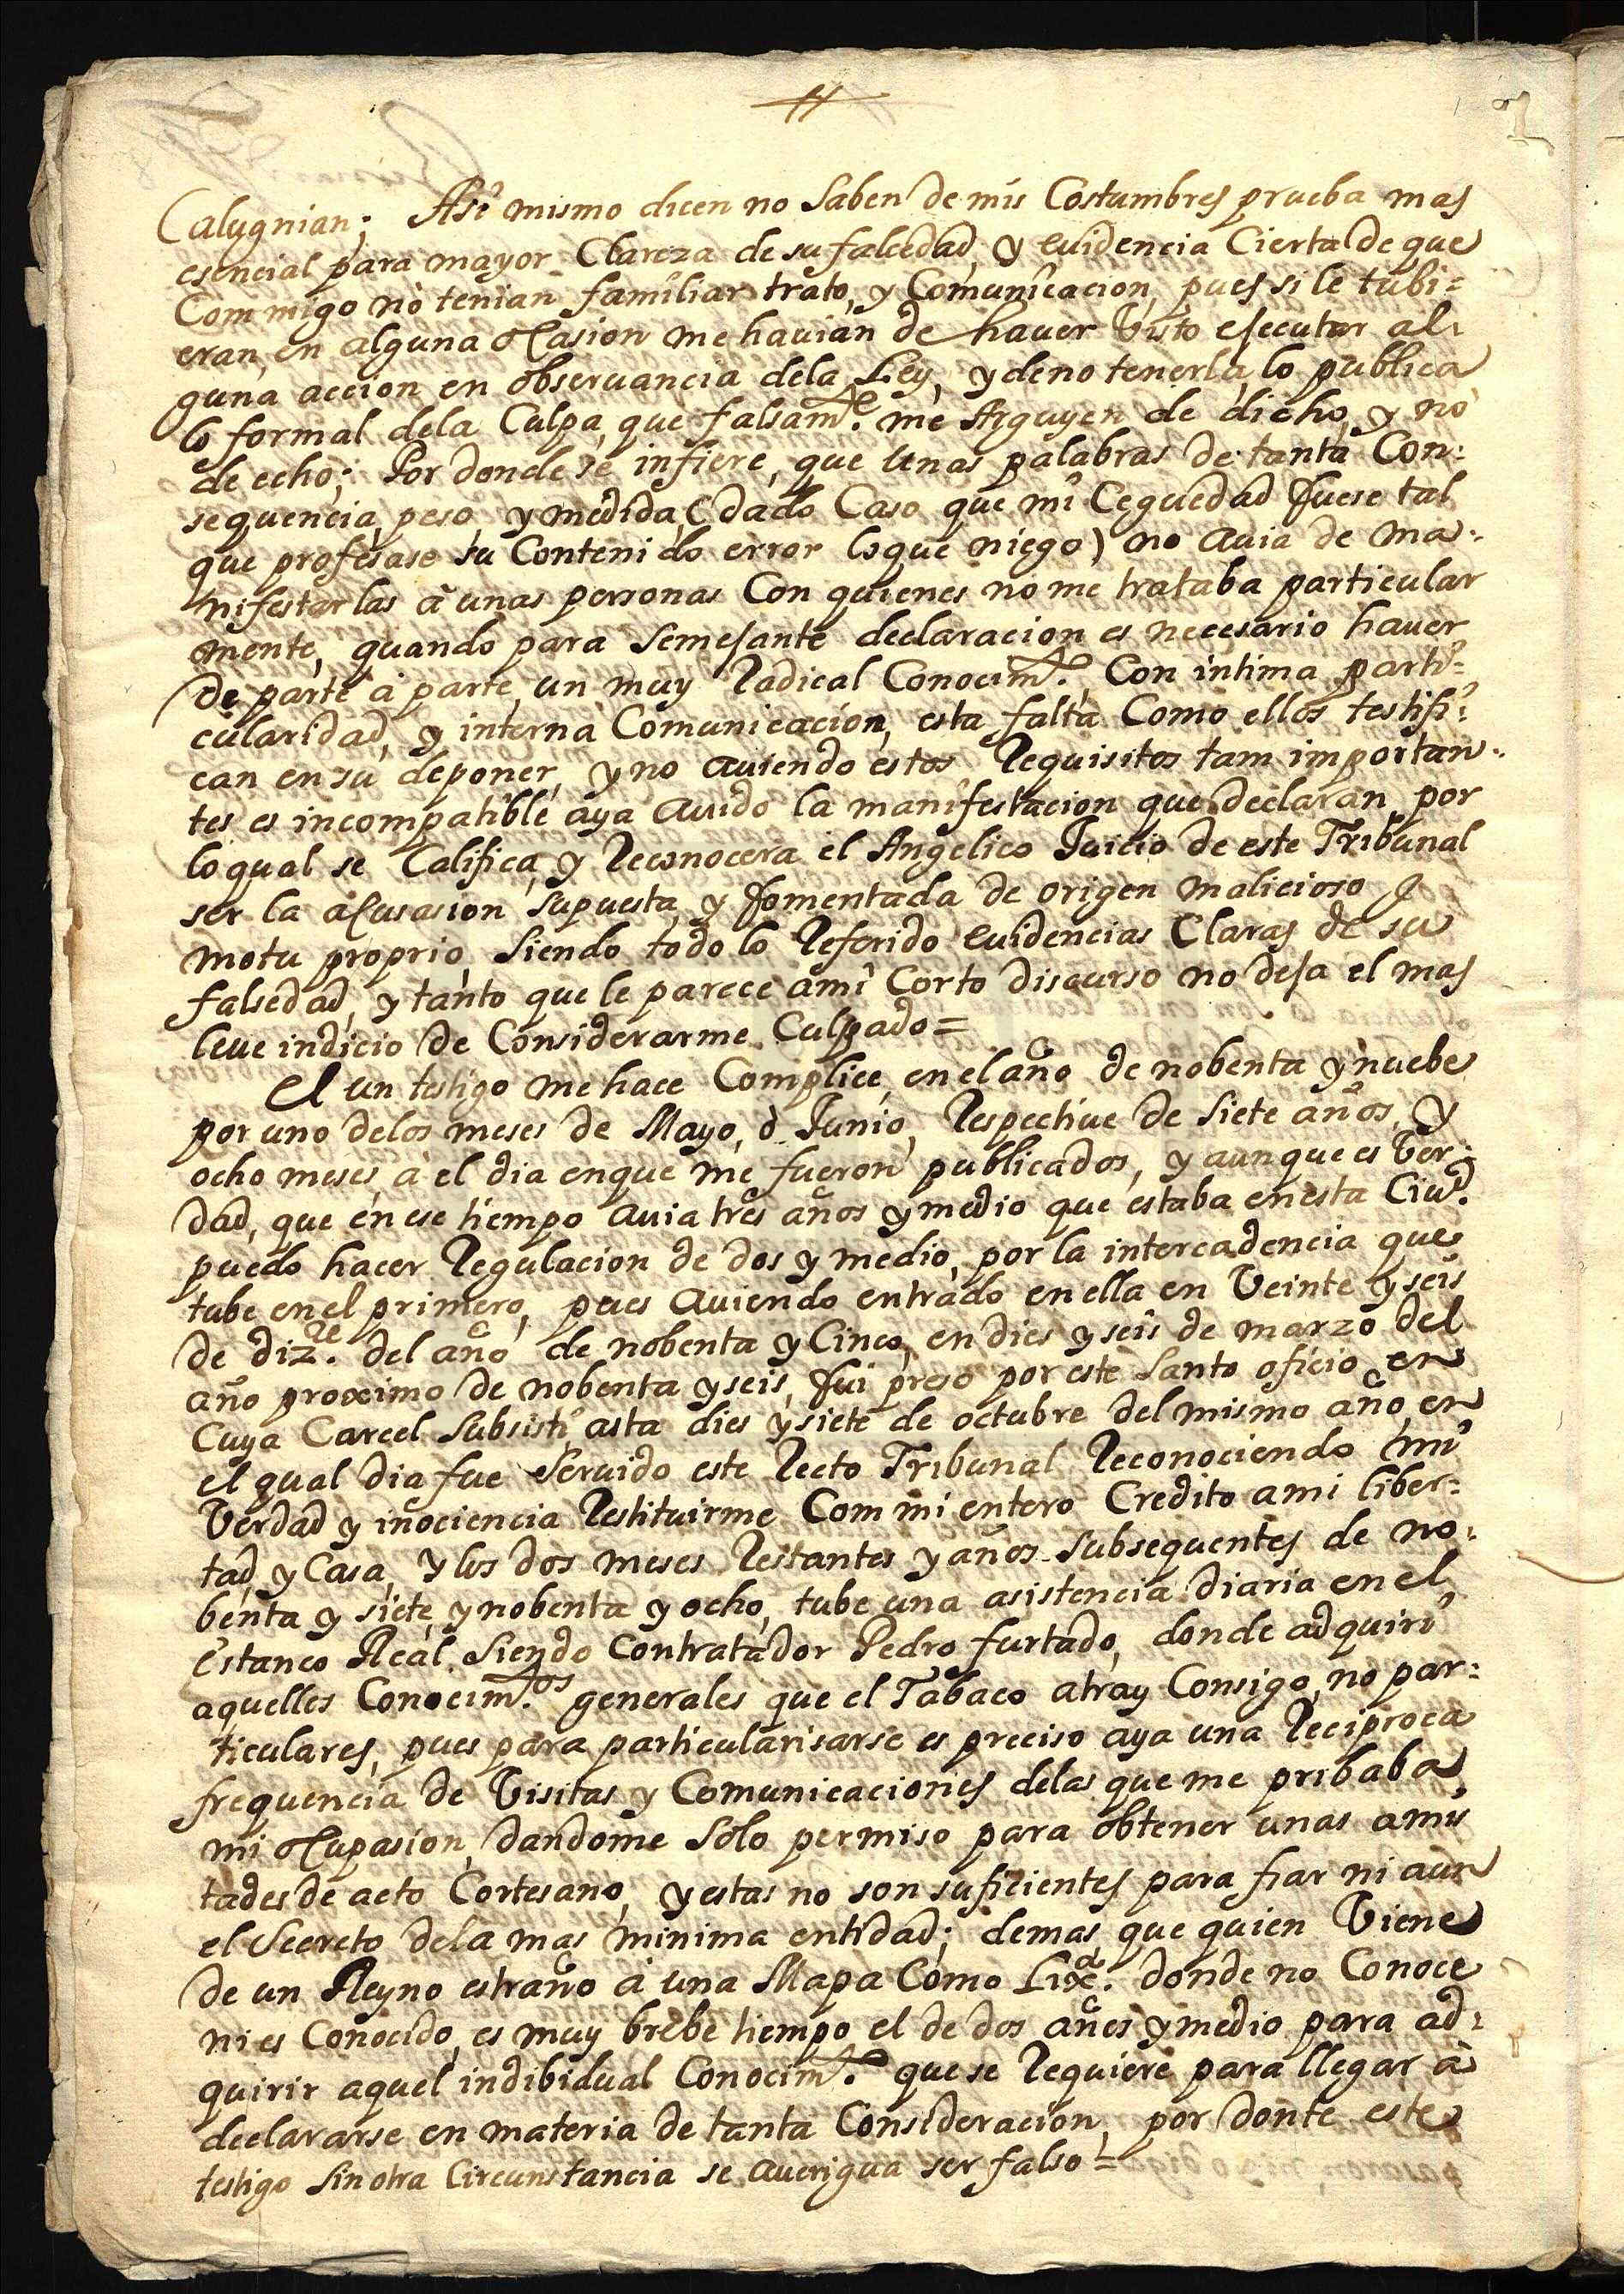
Calugnian; Asi mismo dicen no saben de mis Costumbres prueba mas
esencial para mayor Clareza de su falcedad, y euidencia Cierta de que
Commigo nò tenian familiar trato, y Comunicacion, pues si le tubi
eran, en alguna oCasion me hauian de hauer visto esecutar al
guna accion en obseruancia dela Ley, y de no tenerla, lo publica
lo formal dela Culpa, que falsam.te me Arguyen de dicho y nò
de echo; Por donde se infiere, que Unas palabras de tanta con
sequencia, peso, y medida, (dado Caso que mi Ceguedad fuese tal
que profesase su Contenido error lo que niego) no auia de ma
nifestarlas á unas personas Con quienes no me trataba particular
mente, quando para semejante declaracion es necesario hauer
de parte a parte, un muy Radical Conocim.to, Con intima parti
cularidad, y interna Comunicacíon, esta falta Como ellos testifi
can en su deponer, y no auiendo estos Requisitos tam importan
tes e incompahible aya auido la manifestacion que declaran por
lo qual se Califica, y Reconocera il Angelico Iuicio de este Tribunal
ser la aCusasion supuesta, y fomentada de origen malicioso y
motu proprio, siendo todo lo Referido euidencias Claras de su
falsedad, y tanto que se parece a mí Corto discurso no deja el mas
leue indicio de Considerarme Culpado
El un testigo me hace Complice, en el año de nobenta y nuebe
por uno delos meses de Mayo, ò Iunio, Respectiue de siete años, y
ocho meses, à el dia en que me fueron publicados, y aunque es ver
dad, que en ese tiempo auia tres años y medio que estaba en esta Ciud.
puedo hacer Regulacion de dos y medio, por la intercadencia que
tube en el primero, pues auiendo entrado en ella en Veinte y seis
de diz.re del año de nobenta y Cinco, en dies y seis de marzo del
año proximo de nobenta y seis, fui preso por este santo oficio en
Cuya Carcel subsisti, asta dies y siete de octubre del mismo año en
el qual dia fue seruido este Recto Tribunal Reconociendo mi
Verdad y inociencia Restituirme Com mi entero Credito a mi liber
tad, y casa y los dos meses Restantes y años subsequentes de no
benta y siete, y nobenta y ocho, tube una asistencia diaria en el
estanco Real siendo contratador Pedro furtado, donde adquiri
aquelles Conocim.tos generales que el Tabaco atray Consigo, no par
ticulares, pues para particularisarse es preciso aya una Reciproca
frequencia de Visitas y Comunicaciones delas que me pribaba
mi oCupasion, dandome solo permiso para obtener unas amis
tades de acto Cortesano, y estas no son suficientes para fiar ni aun
el Secreto dela mas minima entidad; demas que quien Viene
de un Reyno estraño à una Mapa Como Lix.a; donde no Conoce
ni es conocido, es muy brebe tiempo el de dos años y medio para ad
quirir aquel indibidual Conocim.to que se Requiere para llegar à
declararse en materia de tanta Consideracion, por donte este
testigo sin otra Circunstancia se auerigua ser falso
